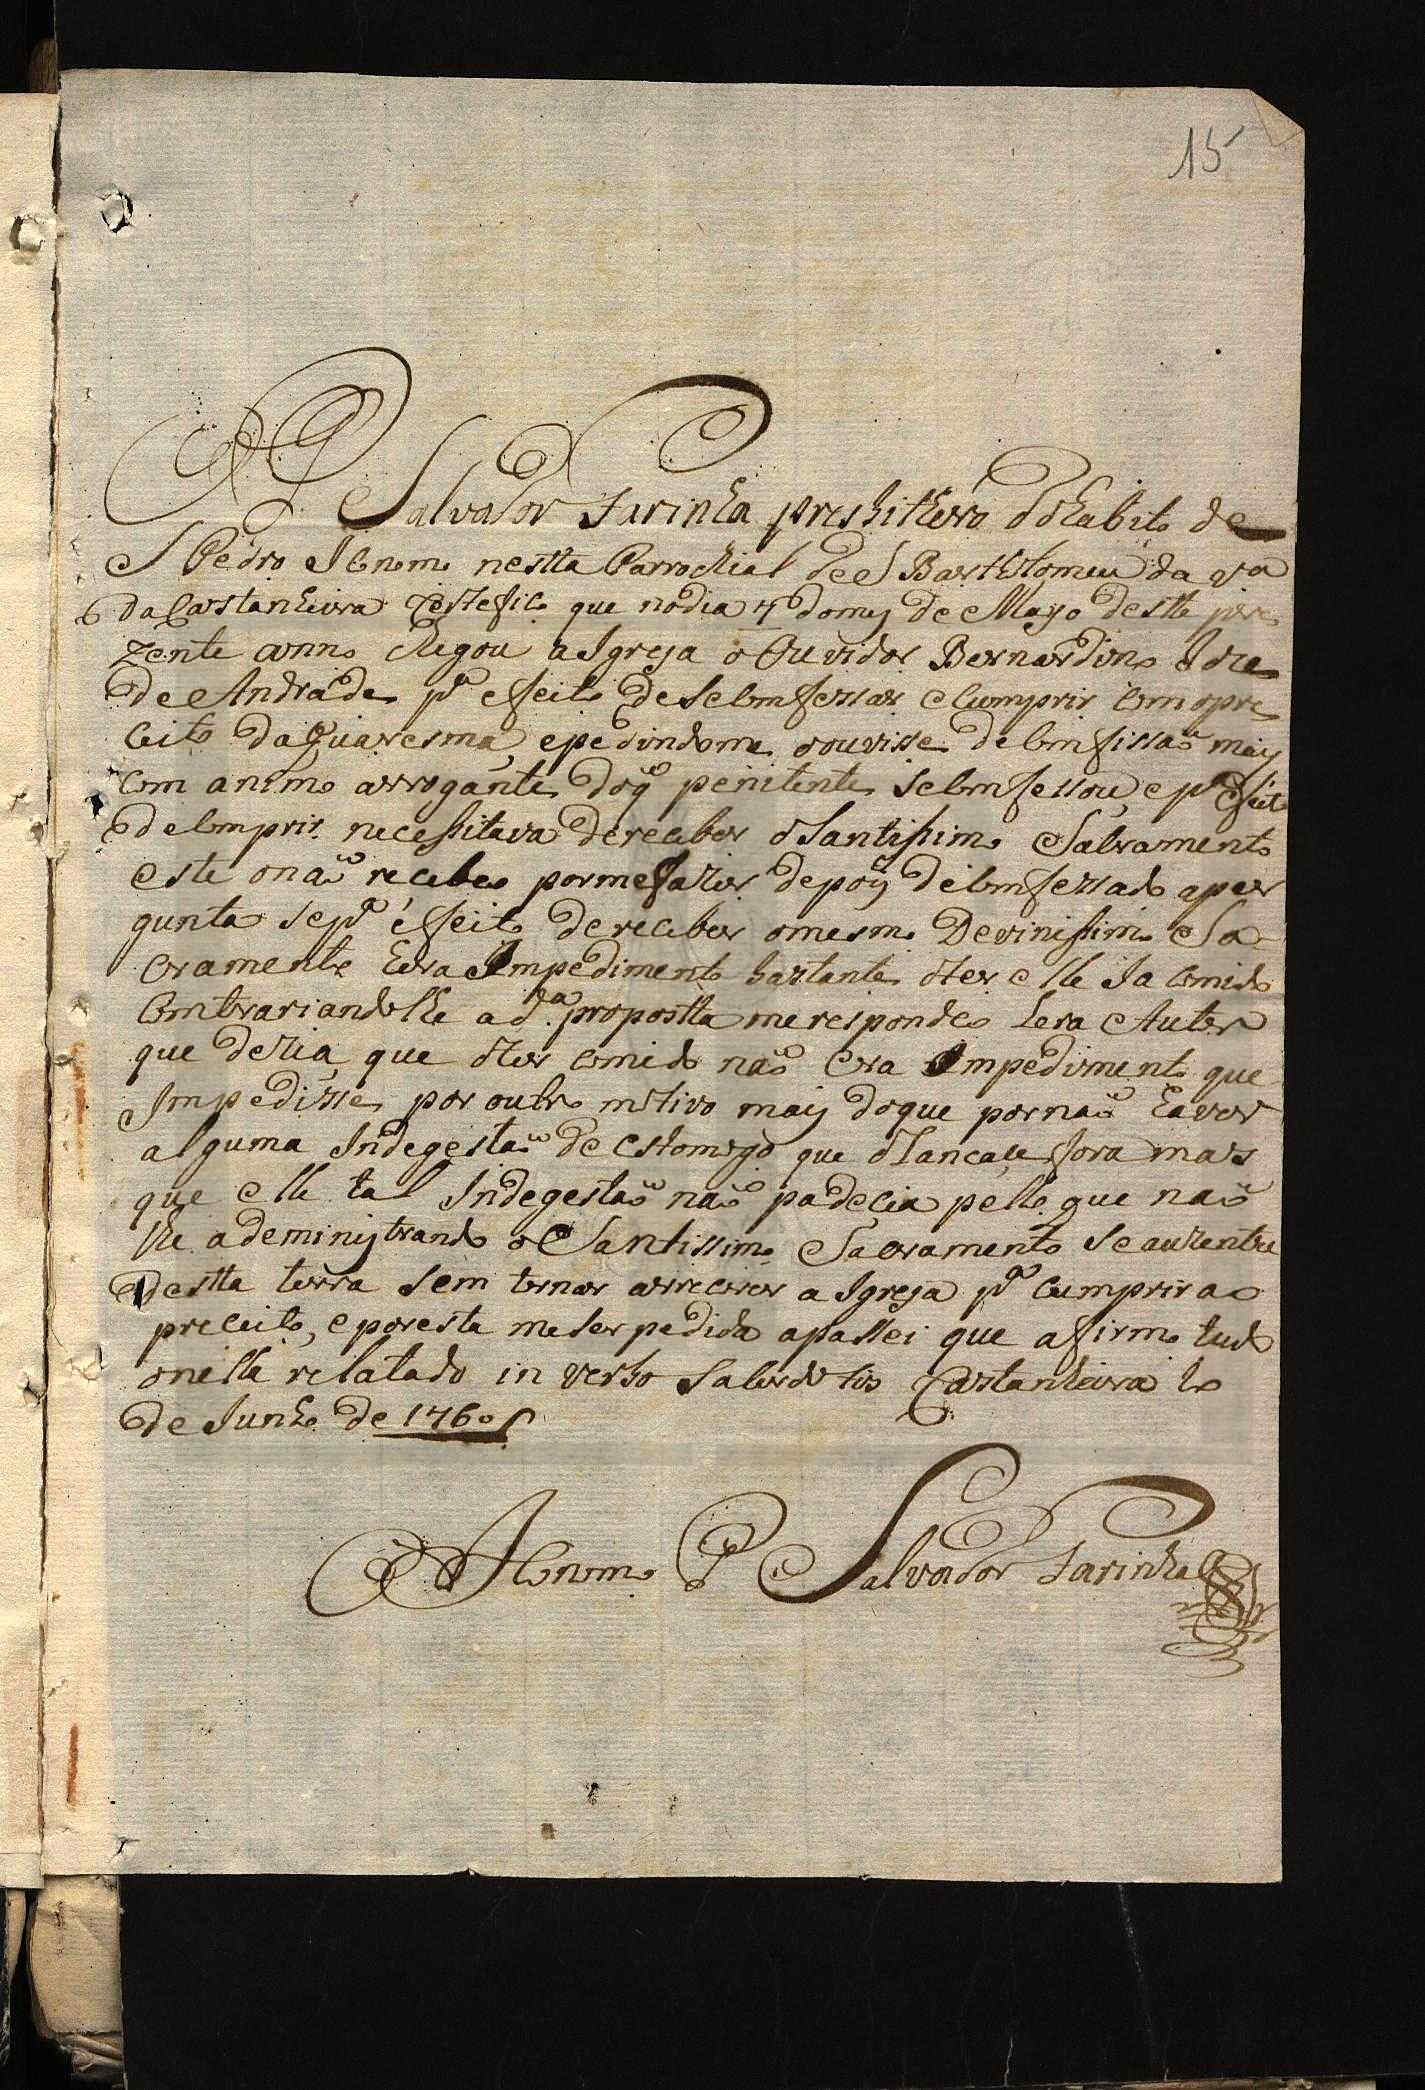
O P Salvador Farinha presbithero do habito de
S Pedro Iconomo nestta Parrochial de S Bartholomeu da V.a
da Castanheira Certefico que no dia 7 do mes de Mayo destte pre
zente anno chegou a Igreja o Ouvidor Bernardino Ioze
de Andrade pa efeito de se comfessar e cumprir com o pre
ceito da quaresma, e pedindome o ouvisse de comfissaõ mais
com animo arrogante do q̄ penitente se comfessou, e pa efeito
de comprir necessitava de receber o Santissimo Sacramento
este o naõ reçebeo por me fazer depois de comfessado a per
gunta se pa efeito de receber o mesmo Devinissimo Sa
cramento hera Impedimento bastante o ter elle Ia comido
comtrariandolhe a da propostta me respondeo Lera Autor
que dezia, que o ter comido naõ era Impedimento que
Jmpedisse por outro motivo mais do que por naõ haver
alguma Indegestaõ de estomago que o lancaçe fora mas
que elle tal Indegestaõ naõ padeçia pello que naõ
lhe adeministrando o Santissimo Sacramento se auzenthou
destta terra sem tornar a rrecorer a Igreja pa cumprir ao
preceito, e por esta me ser pedida a passei que afirmo tudo
o nella relatado in verbo Sacerdotis Castanheira 10
de Iunho de 1760
O Jconomo P Salvador Farinha
